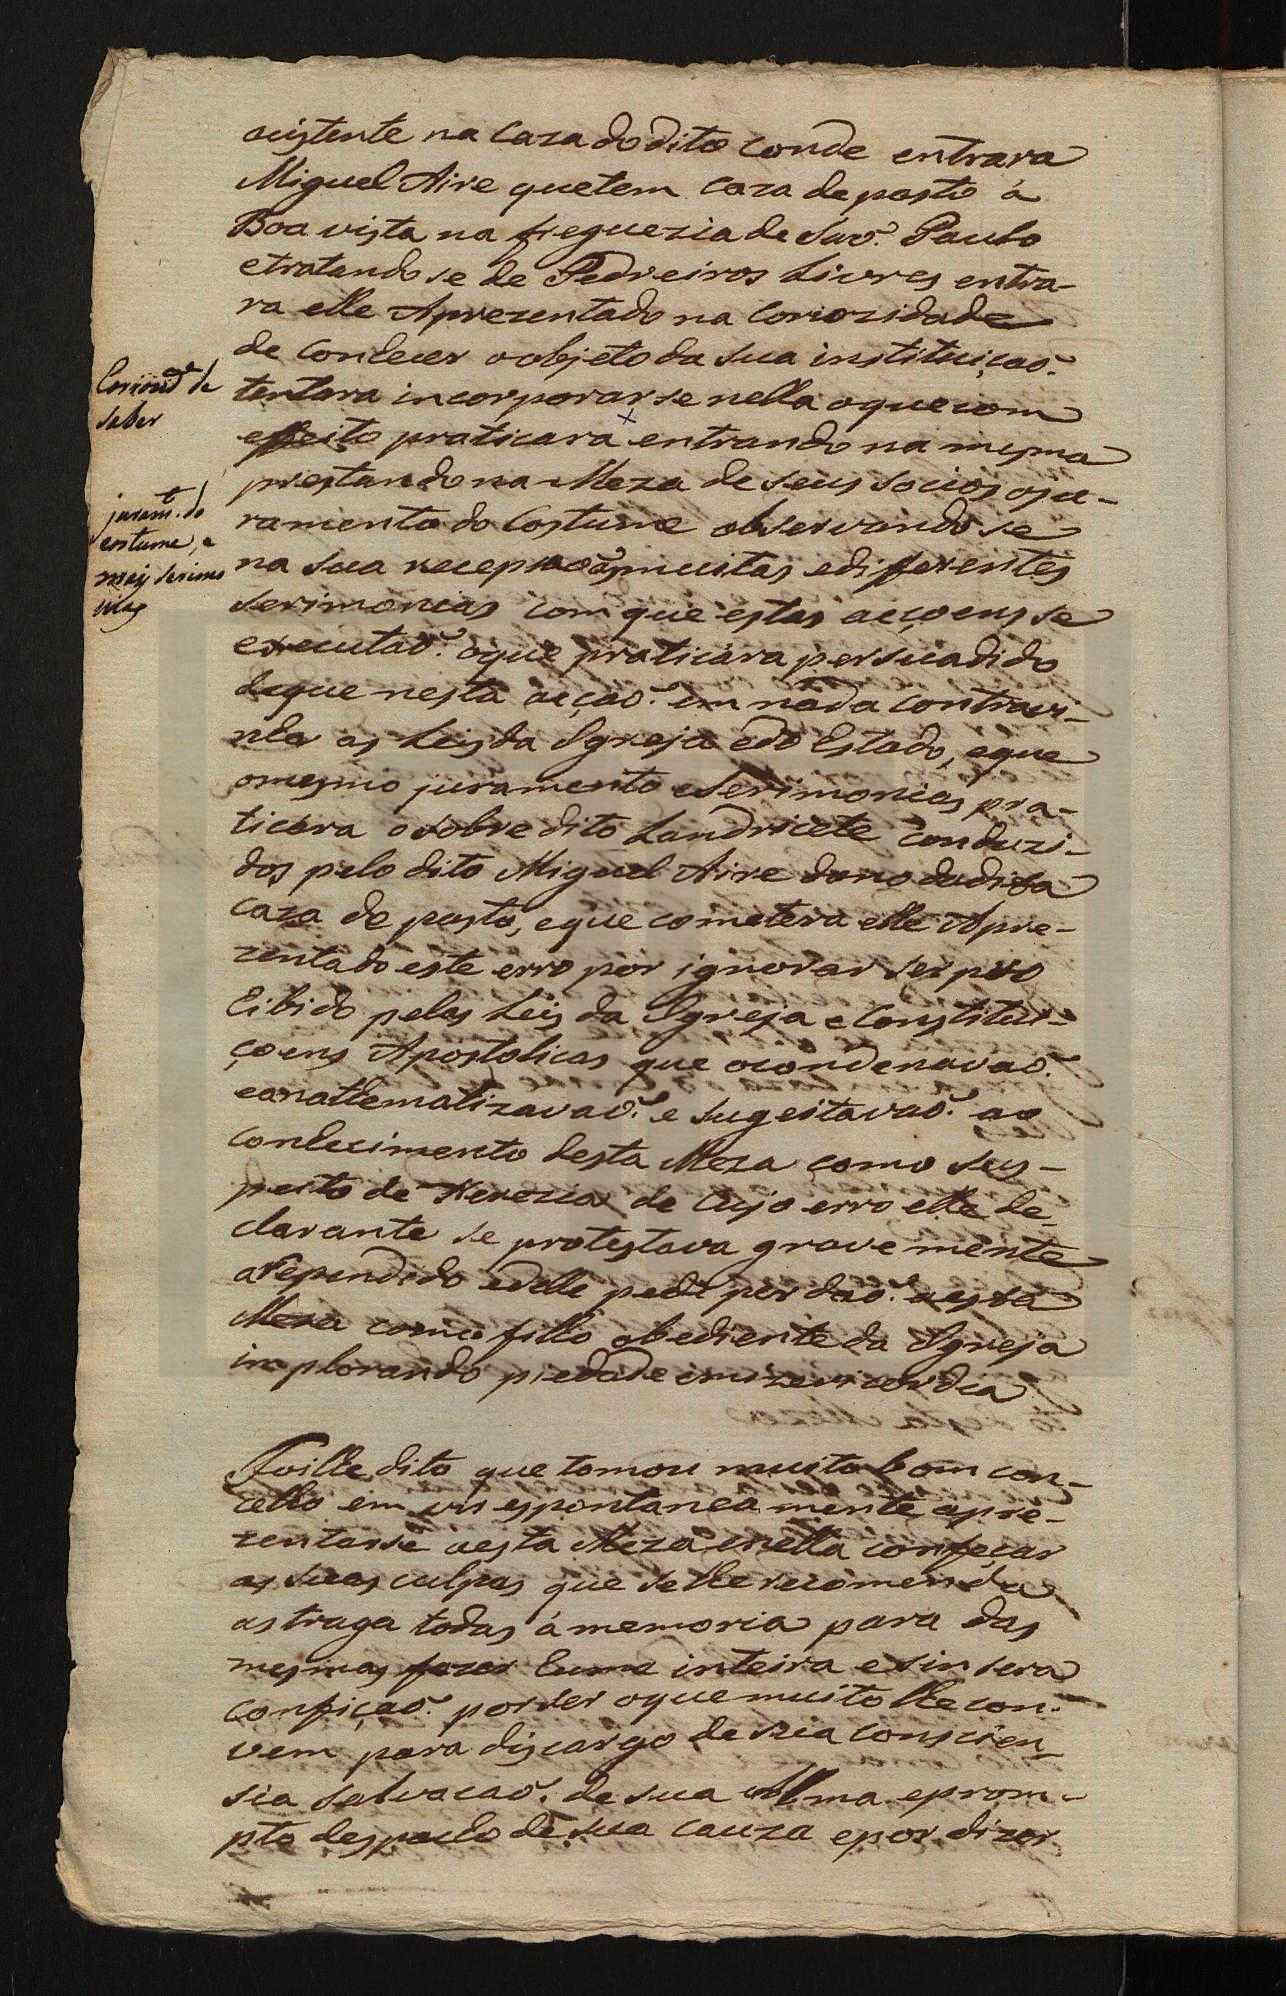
Coriozid.e de
saber
juram.to do
costume, e
mais serimo
nias
acistente na caza do dito conde entrava
Miguel Aire que tem caza de posto á
Boa vista na freguezia de Saõ Paulo
e tratandose de Pedreiros Livres entra
ra elle Aprezentado na coriozidade
de conhecer o objecto da sua instituiçaõ
tentara incorporar se nella o que com
effeito praticara entrando na mesma
prestando na Meza de seus socios o ju
ramento do Costume observando se
na sua recepsaõ a muitas e differentes
serimonias, com que estas acçoens se
executaõ o que praticava persuadido
de que nesta acçaõ em nada contravi
nha as Leis da Igreja e do Estado, e que
o mesmo juramento, e Serimonias pra
ticara o sobredito Landricete conduzi
dos pelo dito Miguel Aire dono da dita
caza de posto, e que cometera este Apre
zentado este erro por ignorar ser pro
hibido pelas Leis da Igreja, e constitui
çoens Apostolicas que o condenavaõ
e anathematizavaõ e sugeitavaõ ao
conhecimento desta Meza como sus
peito de Herezia de cujo erro elle de
clarante se protestava gravemente
arependido, e delle pede perdaõ a esta
Meza como filho obediente da Igreja
implorando piedade, e mizericordia
Foilhe dito que tomou muito bom con
celho em vir espontaneamente apre
zentarse a esta Meza, e nella confeçar
as suas culpas que se lhe recomenda
as traga todas á memoria para das
mesmas fazer huma inteira, e sinsera
confiçaõ por ser o que muito lhe con
vem para descargo de sua conscien
sia salvaçaõ de sua alma e prome
pto despacho de sua cauza e por dizer
